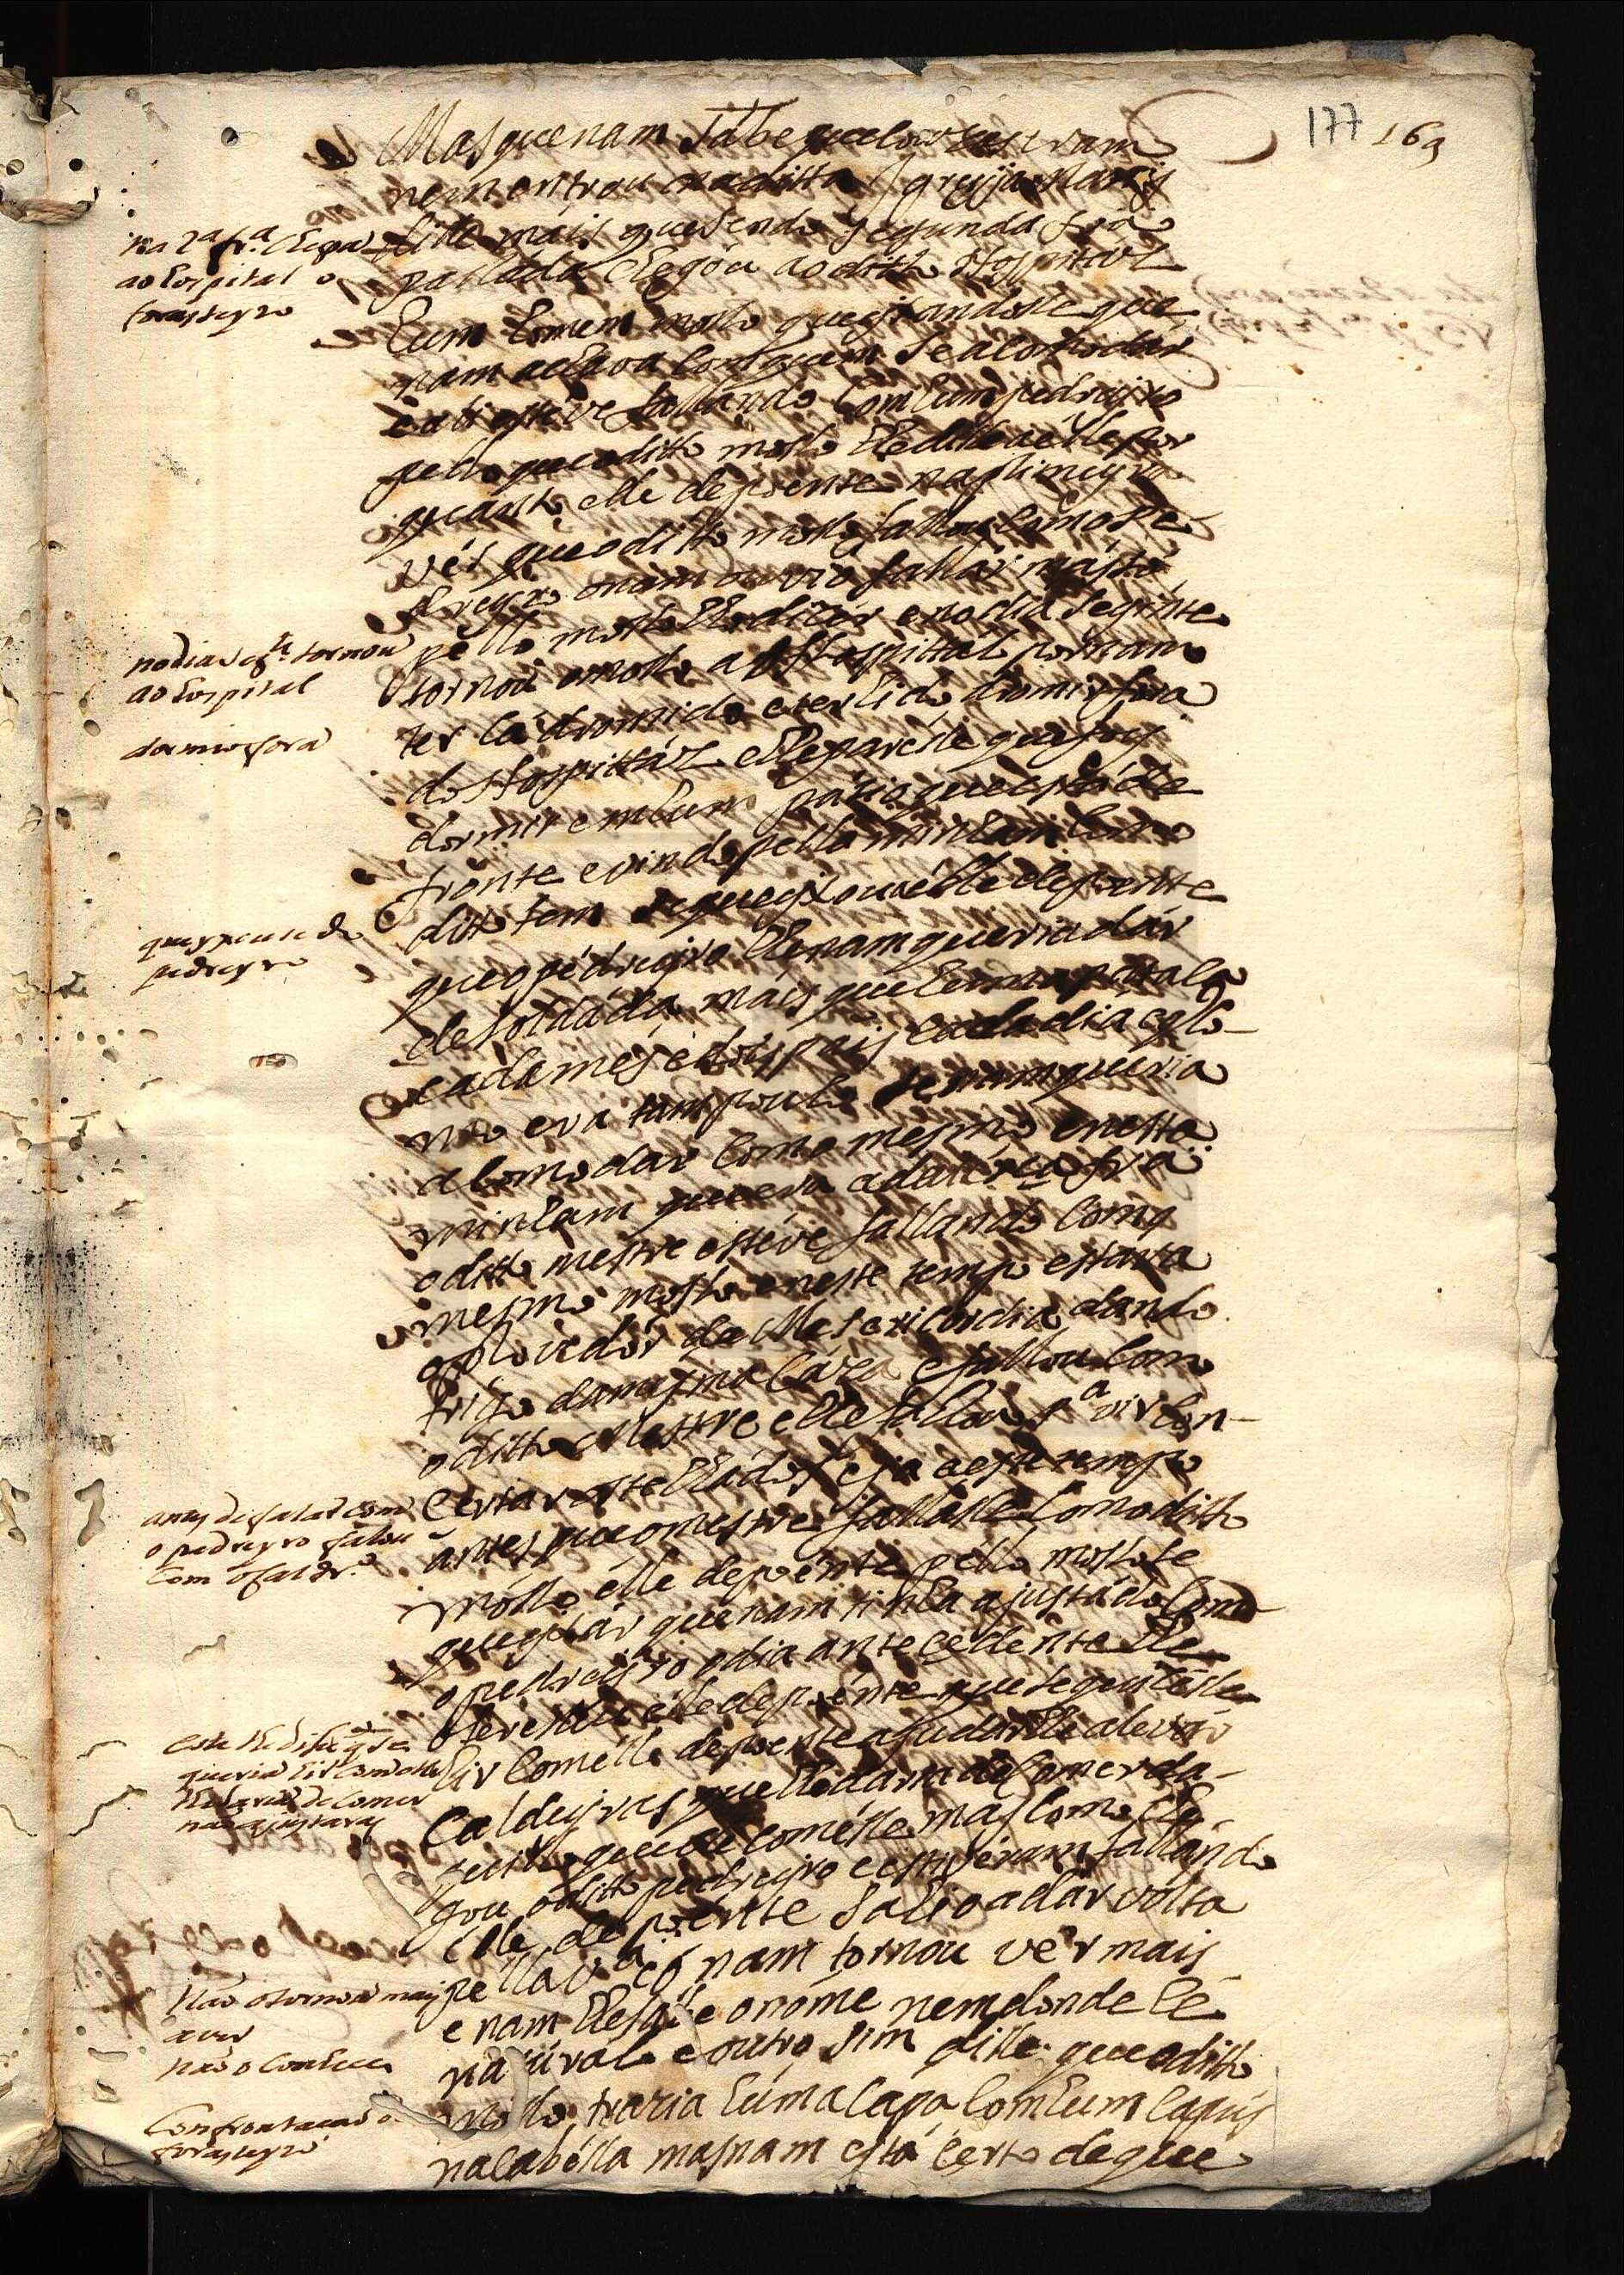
Mas que nam sabe que couzas eram
nem entrou na ditta Jgreja mais
disse mais que sendo segunda fra
na 2a fr.a chega
passada chegou ao ditto HospitaL
ao hospital o
forasteyro
hum homem mosso que estandosse que
nam achava com quem se acomodar
e ahi esteve fallando com hum pedreyro
pello que o ditto mosso lhe disse a elle por
quanto elle depoente na primeyra
vés que o ditto mosso fallou com o pe
dreyro o nam ouvio fallar mas só
pello mosso lho dizer e no dia seguinte
no dia seg.te tornou
tornou o mosso ao HospittaL por nam
ao hospital
ter cá dromido e ter hido dromir fora
dormio fora
do HospittáL e lhe paresse que foy
dormir em hum patio que está de
fronte e vindo pella minham Como
ditto tem se queyxou a elle depoente
queyxouse do
que o pedreyro lhe nam queria dár
pedreyro
de soldáda máis que huma pataca
cada mes e despois cada dia e q̄ co
mo era tam pouco se nam queria
acomodar com o mesmo e nesta
minham que era a da terça fra
o ditto mestre esteve falando com o
mesmo mosso neste tempo estava
o provedor da Mesericordia dando
trigo da mesma Cáza e fallou com
o ditto Mestre elle fallou pa vir con
certar os telhados e ja a este tempo
antes de falar com
antes que o mestre fallasse Com o ditto
o pedreyro falou
com o Caldr.o
mosso elle depoente pello mosso se
queyxar que nam tinha ajustado Com
o pedreyro o dia antecedente lhe
este lhe disse q̄ se
oferesseu elle depoente que se quizesse
hir com elle depoente ajudarlhe a levar
queria hir com elle
caldeyras que lhe daria de Comer da
lhe daria de comer
naõ ajustaraõ
quillo que elle comesse mas como che
gou o ditto pedreyro e estiveram fallando
elle depoente sahio a dar volta
Naõ o tornou mais
pélla v.a e o nam tornou ver mais
e nam lhe sabe o nome nem donde hé
a ver
naturaL e outrosim disse que o ditto
naõ o conhece
mosso trazia huma capa com hum capús
Confrontaçaõ _
forasteyro
na cabessa mas nam está certo de que
169
